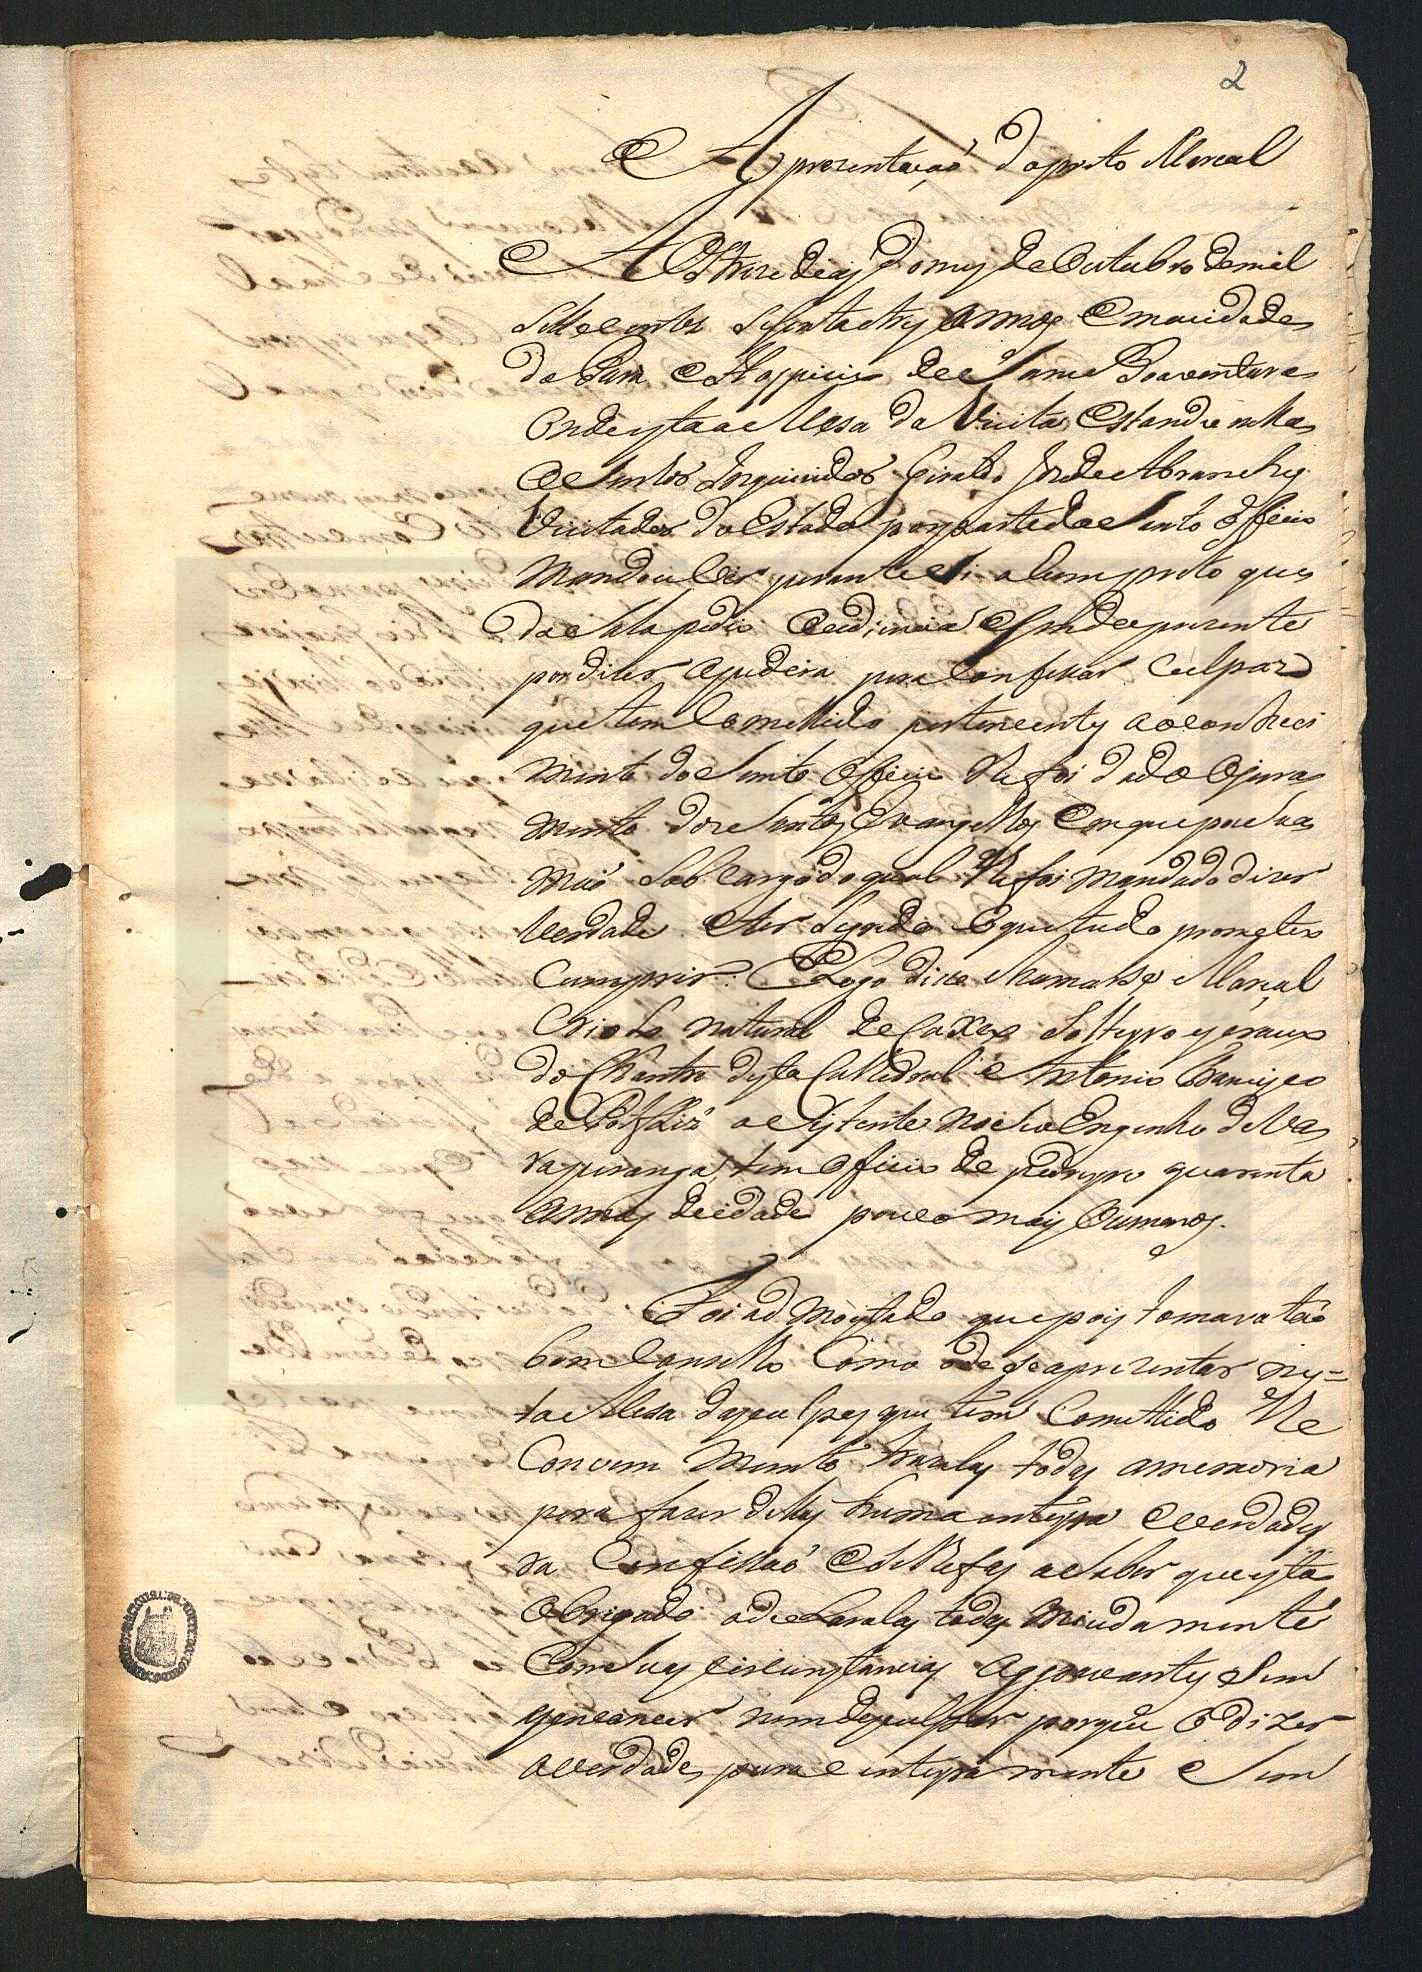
Aprezentaçaõ do preto Marcal
AOs treze dias do mes de Outubro de mil
settecentos sesenta e tres annos em a cidade
do Para e Hospicio de Sam Boaventura
Onde esta a Mesa da Visita Estando nella
O Senhor Inquisidor Giraldo Joze de Abranches
Visitador do Estado por parte do Santo officio
Mandou Uir perante Si a hum preto que
da Sala pedio audiencia asim do prezente
por dizer o pedira para confessar culpaz
que tem Comettido pertencentes ao conheci
mento do Santo Officio lhe foi dado o jura
mento doz Santos Evangelhos em que pos sua
maõ sob cargo do qual lhe foi mandado dizer
verdade e ter segredo o que tudo prometeo
Cumprir E Logo disse chamarse Marçal
Criolo natural de Caxeo Solteyro escrauo
do Chantre desta Cathedral Antonio Francisco
de PolfLiz̄ aSistente no seo Engenho de Va
raperanga tem officio de pedreyro quarenta
annos de idade pouco mais Ou menos.
Foi admoestado que pois tomava taõ
bem conselho Como o de se aprezentar nes
ta Mesa das culpas que tem Comettido lhe
Convem Munto trazelas todas a memoria
pera fazer dellas huma inteyra e verdadey
ra Confissaõ e selhe fes a Saber que esta
Obrigado a decLaralas todas miudamente
Com Suas circunstancias aggravantes Sem
as encancer nem desculpar porque o dizer
a uerdade pura e inteyramente Sem
